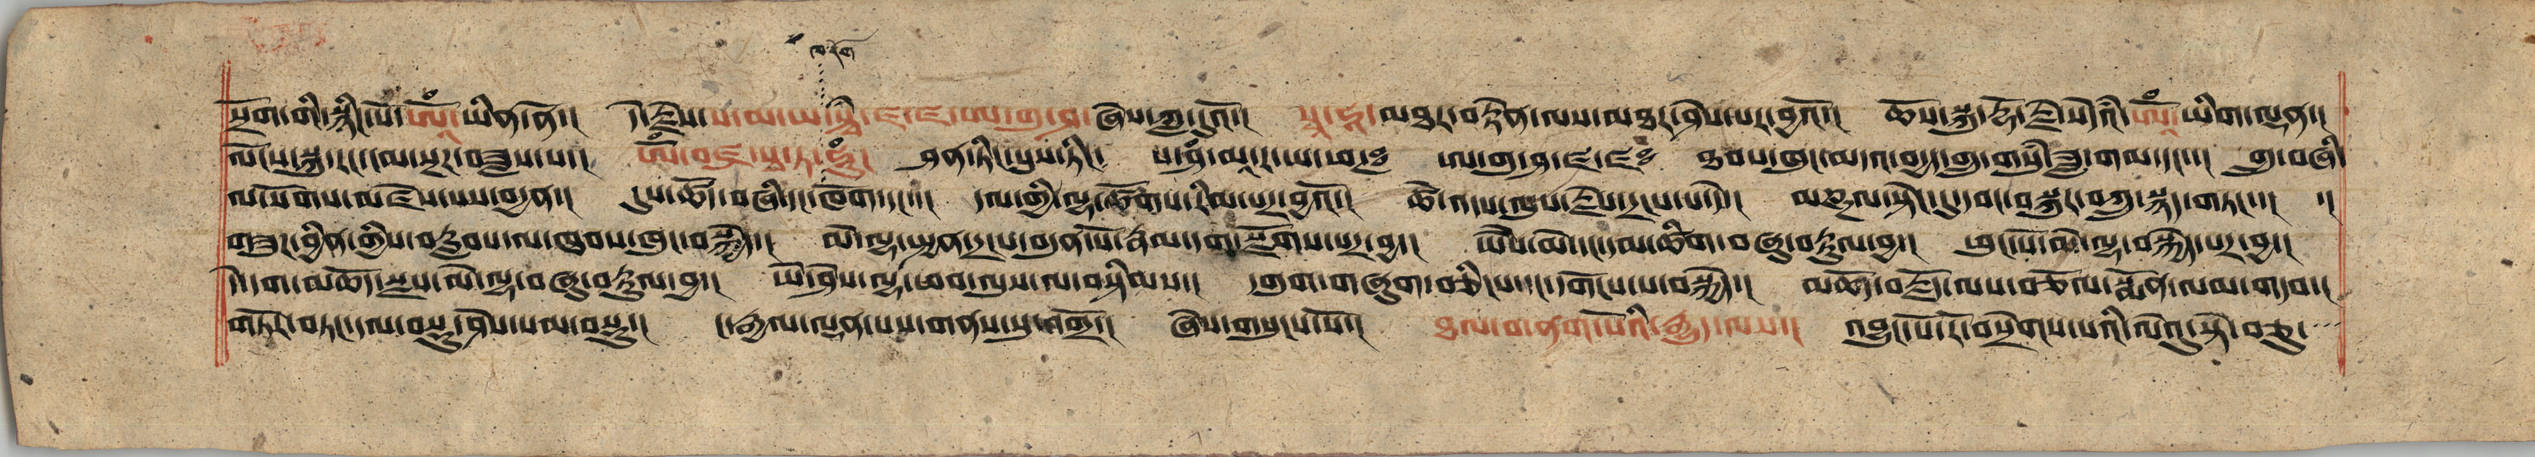སྲོག་གི་སྙིང་པོ་ཨཱོཾ་ཡིན་ནོ་། དེ་རྗེས་ས་མ་ཡ་སྟྭཾ་ཛ་ཛ་ཨ་གུ་ཤ་ཞེས་ཀླ་དུའོ་། སྭ་ཧཱ་མཐར་བརྟེན་ལས་མཐར་ཤེས་པར་བྱའོ་། ཆོས་སྐུ་རྡོ་རྗེ་སེདཾའ་ཨཱོཾ་ཡིག་ལྷན་།
ལོངས་སྐུ་རང་དམ་སྔཌ་བཟླས་པ་། ཨོཾ་བཛྲ་སྭ་ཏ་ཧཱུཾ། ཤན་ཏིང་སུས་ཏིང༴ པ་ཤཾ་མཱ་ར་ཡ་ཕཊཿ ཨ་གུ་ཤ་ཛ་ཛཿ ཐབས་ཁུང་མདའ་བདྱད་གྲུ་གསུཾ་ཟླ་གམ་དང་་། གྲུ་བཞི་
ལ་སོགས་མཛེས་པས་བདྱན་། དུས་ཚཽད་བཞི་དང་ཁོག་དང་་། དལ་གྱི་ལྷ་ཚོགས་རིམ་པར་བྱའོ་། ཚེ་འདས་ལུས་རྗེས་དྲངས་པ་དེ་། མཎྜལ་སྟེང་དུ་དབང་བསྐུར་བཀྲུ་སྙད་གཏང་་།
གཟུཌ་བྱིན་གྱིས་བརླབས་ལ་ཐབས་ཁུང་བསྐྱེད་། མེ་ལྷ་སྤྱན་དྲངས་བདུན་པོ་རྣམ་དག་སྫོགས་པར་བྱ་། ཡཻས་མེ་དང་དམ་ཚིག་བཞུ་བརྟུལ་བྱ་། ཕུང་པོ་མེ་ལྷ་བསྐྱེད་པར་བྱ་།
དེ་དག་མཆོད་སྫས་མེ་ལྷ་བཞུ་བརྟུལ་བྱ་། ཡེ་ཤེས་ལྷ་ཕབ་ལུས་ལ་བསྟིམས་། དགུག་གཞུག་བཅིངས་དང་དགོངས་པ་བསྐྱེད་། མཆོད་བརྗོད་ལས་བཅོལ་སྨོན་ལམ་གདབ་།
གཏོར་བཏང་དལ་བསྡུ་ཤེས་སམ་བསྡུ་། ང་རྒྱལ་ལྡན་པས་གནས་སུ་འགྲོ་། ཞེས་གསུངས་སོ་། ཐལ་བ་ནག་པོའི་རྒྱུད་ལས་། འབྱུང་པོ་རོ་བསྲེགས་པའི་ལེའུ་སྟེ་བཅུ་